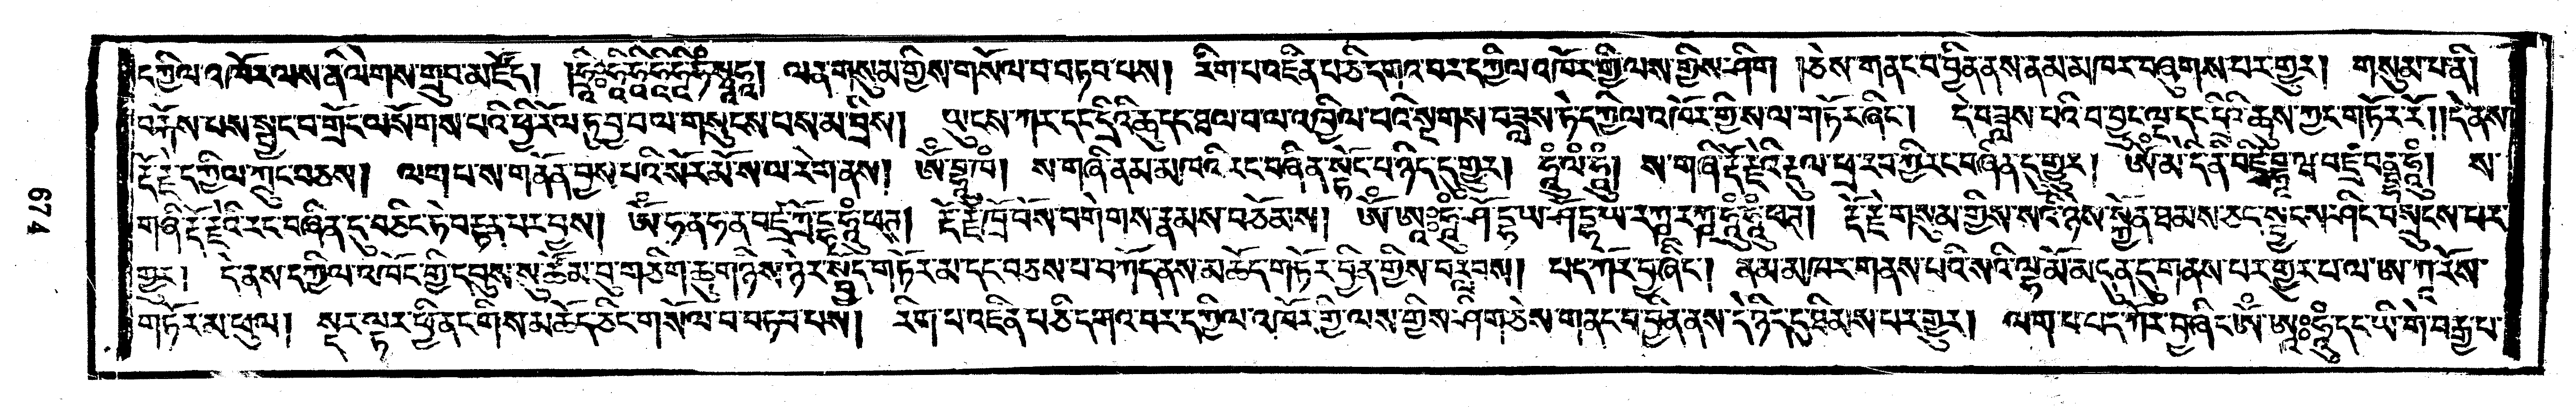དཀྱིལ་འཁོར་ལས་ནི་ལེགས་གྲུབ་མཛོད། །ཧྲཱིཿཧཱི་ཧཱི་ཧཱི་ཧཱི་ཧཾ་སྭཱཧཱ། ལན་གསུམ་གྱིས་གསོལ་བ་བཏབ་པས། རིག་པ་འཛིན་པ་ཅི་དགའ་བར་དཀྱིལ་འཁོར་གྱི་ལས་གྱིས་ཤིག །ཅེས་གནང་བ་བྱིན་ནས་ནམ་མཁར་བཞུགས་པར་གྱུར། གསུམ་པ་ནི།
བརྐོས་པས་སྦྱང་བ་གྲོང་ལ་སོགས་པའི་ཕྱི་རོལ་ཏུ་བྱ་བ་ལ་གསུངས་པས་མ་བྲིས། ཡུངས་ཀར་དང་དྲིའི་ཆུ་དང་ཐལ་བ་ལ་འཁྱིལ་པའི་སྔགས་བཟླས་ཏེ་དཀྱིལ་འཁོར་གྱི་ས་ལ་གཏོར་ཞིང་། དེ་བཟླས་པའི་བ་བྱུང་ལྔ་དང་དྲིའི་ཆུས་ཀྱང་གཏོར་རོ། །དེ་ནས་
རྡོ་རྗེ་དཀྱིལ་ཀྲུང་བཅས། ལག་པ་ས་གནོན་བྱས་པའི་སོར་མོ་ས་ལ་རེག་ནས། ཨོཾ་བྷཱུ་ཁཾ། ས་གཞི་ནམ་མཁའི་རང་བཞིན་སྟོང་པ་ཉིད་དུ་གྱུར། ཧཱུཾ་ལཾ་ཧཱུཾ། ས་གཞི་རྡོ་རྗེའི་རྡུལ་ཕྲ་རབ་ཀྱི་རང་བཞིན་དུ་གྱུར། ཨོཾ་མེ་དི་ནི་བཛྲི་བྷཱ་ཝ་བཛྲ་བནྡྷ་ཧཱུཾ། ས་
གཞི་རྡོ་རྗེའི་རང་བཞིན་དུ་བཅིང་ཏེ་བརྟན་པར་བྱས། ཨོཾ་ཧ་ན་ཧ་ན་བཛྲ་ཀྲོ་དྷ་ཧཱུཾ་ཕཊ། རྡོ་རྗེ་ཁྲོ་བོས་བགེགས་རྣམས་བཅོམས། ཨོཾ་ཨཱཿཧཱུཾ་ཤོ་དྷ་ཡ་ཤོ་དྷ་ཡ་རཀྵ་རཀྵ་ཧཱུཾ་ཧཱུཾ་ཕཊ། རྡོ་རྗེ་གསུམ་གྱིས་སའི་ཉེས་སྐྱོན་ཐམས་ཅད་སྦྱངས་ཤིང་བསྲུངས་པར་
གྱུར། དེ་ནས་དཀྱིལ་འཁོར་གྱི་དབུས་སུ་ཚོམ་བུ་གཅིག་ཆུ་གཉིས་ཉེར་སྤྱོད་གཏོར་མ་དང་བཅས་པ་བཀོད་ནས་མཆོད་གཏོར་བྱིན་གྱིས་བརླབས། པད་ཀོར་བྱ་ཞིང་། ནམ་མཁར་གནས་པའི་སའི་ལྷ་མོ་མདུན་དུ་གནས་པར་གྱུར་པ་ལ་ཨ་ཀཱ་རོས་
གཏོར་མ་ཕུལ། སྡར་ལྟར་ཕྱི་ནང་གིས་མཆོད་ཅིང་གསོལ་བ་བཏབ་པས། རིག་པ་འཛིན་པ་ཅི་དགའ་བར་དཀྱིལ་འཁོར་གྱི་ལས་གྱིས་ཤིག་ཅེས་གནང་བ་བྱིན་ནས་དེ་ཉིད་དུ་ཐིམས་པར་གྱུར། ལག་པ་པད་ཀོར་བྱ་ཞིང་ཨོཾ་ཨཱཿཧཱུཾ་དང་ཡི་གེ་བརྒྱ་པ་